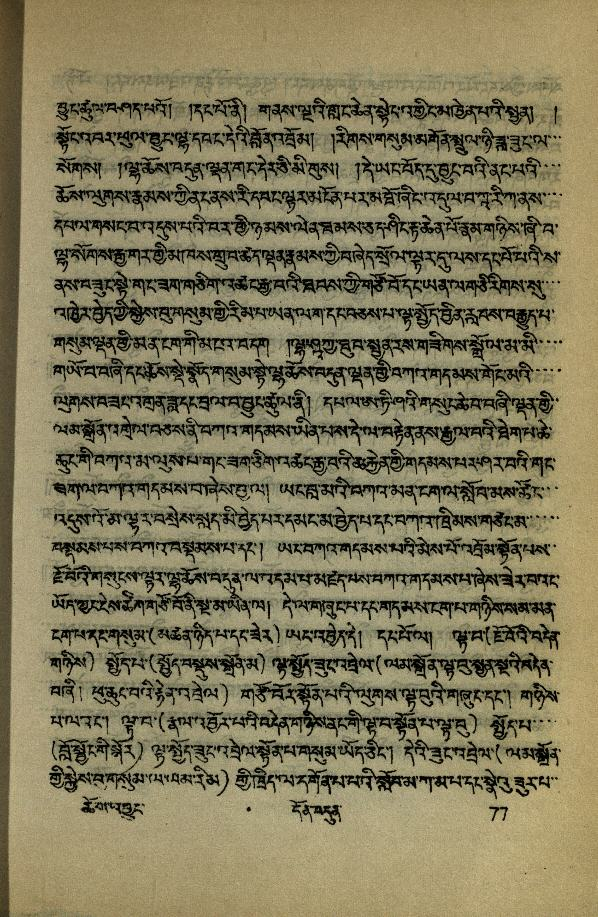བྱུང་ཚུལ་བཤད་པའོ། །དང་པོ་ནི། གནས་ལྔའི་གླང་ཆེན་སྟེང་འགྱིང་མཁྱེན་པའི་སྤྱན། །
སྟོང་འབར་ཕུལ་བྱུང་ལྷ་དབང་དེའི་བློན་འབྲོམ། །རིགས་གསུམ་མགོན་སྤྲུལ་ཉི་ཟླ་ཟུང་ལ་
སོགས། །ལྷ་ཆོས་བདུན་ལྡན་གང་དེར་ཅི་མི་གུས། །དེ་ཡང་བོད་དུ་བྱུང་བའི་ནང་པའི་
ཆོས་ལུགས་རྣམས་ཀྱི་ནང་ནས་རི་དབང་ལྟར་མངོན་པར་མ་ཐོ་ཞིང་འདུལ་བ་ཀཱ་རི་ཀ་ནས་
དཔལ་གསང་བ་འདུས་པའི་བར་གྱི་ཉམས་ལེན་ཐམས་ཅད་ཤིང་རྟ་ཆེན་པོ་རྣམ་གཉིས་ཞི་བ་
ལྷ་སོགས་རྒྱ་གར་གྱི་མཁས་གྲུབ་ཚད་ལྡན་རྣམས་ཀྱི་བཞེད་སྲོལ་ལྟར་དུ་ལས་དང་པོ་པའི་ས་
ནས་བཟུང་སྟེ་གང་ཟག་གཅིག་འཚང་རྒྱ་བའི་ཐབས་ཀྱི་གཙོ་བོ་དང་ཡན་ལག་ཅི་རིགས་སུ་
འཁྱེར་བྱེད་ཀྱི་སྐྱེས་བུ་གསུམ་གྱི་རིམ་པ་ཡན་ལག་དང་བཅས་པ་ལྟ་སྤྱོད་བྱིན་རླབས་བརྒྱུད་པ་
གསུམ་ལྡན་གྱི་མན་ངག་གི་མངའ་བདག །ལྷ་ཤཱཀྱ་ཐུབ་སྤྱན་རས་གཟིགས་སྒྲོལ་མ་མི་
གཡོ་བ་བཞི་དང་ཆོས་སྡེ་སྣོད་གསུམ་སྟེ་ལྷ་ཆོས་བདུན་ལྡན་གྱི་བཀའ་གདམས་གོང་མའི་
ལུགས་བཟང་འགྲན་ཟླ་དང་བྲལ་བ་བྱུང་ཚུལ་ནི། དཔལ་ཨ་ཏི་ཤའི་གསུང་ཆེ་བ་བཞི་ལྡན་གྱི་
ལམ་སྒྲོན་འགྲེལ་བཅས་ནི་བཀའ་གདམས་ཡིན་པས་དེ་ལ་བརྟེན་ནས་རྒྱལ་བའི་ཐེག་པ་ཆེ་
ཆུང་གི་བཀའ་མ་ལུས་པ་གང་ཟག་ཅིག་འཚང་རྒྱ་བའི་ཆ་རྐྱེན་གྱི་གདམས་པར་ཤར་བའི་གང་
ཐག་ལ་བཀའ་གདམས་བ་ཞེས་བྱ་ལ། ཡང་བླ་མའི་བཀའ་མན་ངག་ལ་སློབ་མས་ཚོང་
འདུས་འོ་མ་ལྟར་བསྲེས་སླད་མི་བྱེད་པར་དམང་མ་བྱེད་པ་དང་བཀའ་ཁྲིམས་གཙང་མ་
བསྡམས་པས་བཀའ་བསྡམས་པ་དང་། ཡང་བཀའ་གདམས་པའི་མེས་པོ་འབྲོམ་སྟོན་པས་
ཇོ་བོའི་གསུངས་ལྟར་ལྷ་ཆོས་བདུན་ལ་འདམ་པ་མཛད་པས་བཀའ་གདམས་པ་ཞེས་ཟེར་བའང་
ཡོད་ཀྱང་ངེས་ཚིག་གཙོ་བོ་ནི་སྔ་མ་ཡིན་ལ། དེ་ལ་གཞུང་པ་དང་གདམས་ངག་པ་གཉིས་སམ་མན་
ངག་པ་དང་གསུམ་མཚན་ཉིད་པ་དང་ཟེར་ཡང་འབྱེད་དེ། དང་པོ་ལ། ལྟ་བ་ཇོ་བོའི་བདེན་
གཉིས་སྤྱོད་པ་སྤྱོད་བསྡུས་སྒྲོན་མ་ལྟ་སྤྱོད་ཟུང་འབྲེལ་ལམ་སྒྲོན་ལྟ་བུ་སྤྱན་སྔའི་བདེན་
བཞི། ཕུ་ཆུང་བའི་རྟེན་འབྲེལ་གཙོ་བོར་སྟོན་པའི་ལུགས་ལྟ་བུའི་གཞུང་དང་། གཉིས་
པ་ལའང་། ལྟ་བ་རྣལ་འབྱོར་པའི་བདེན་གཉིས་ནང་གི་ལྟ་བ་སྟོན་པ་ལྟ་བུ་སྤྱོད་པ་
བློ་སྦྱོང་གི་སྐོར་ལྟ་སྤྱོད་ཟུང་འབྲེལ་སྟོན་པ་གསུམ་ཡོད་ཅིང་། དེའི་ཟུང་འབྲེལ་ལམ་སྒྲོན་
གྱི་སྐྱེས་བུ་གསུམ་ལ་ལམ་རིམ་གྱི་ཁྲིད་ལ་དགོན་པ་པའི་སློབ་མ་ཀ་མ་པ་དང་སྣེའུ་ཟུར་པ་